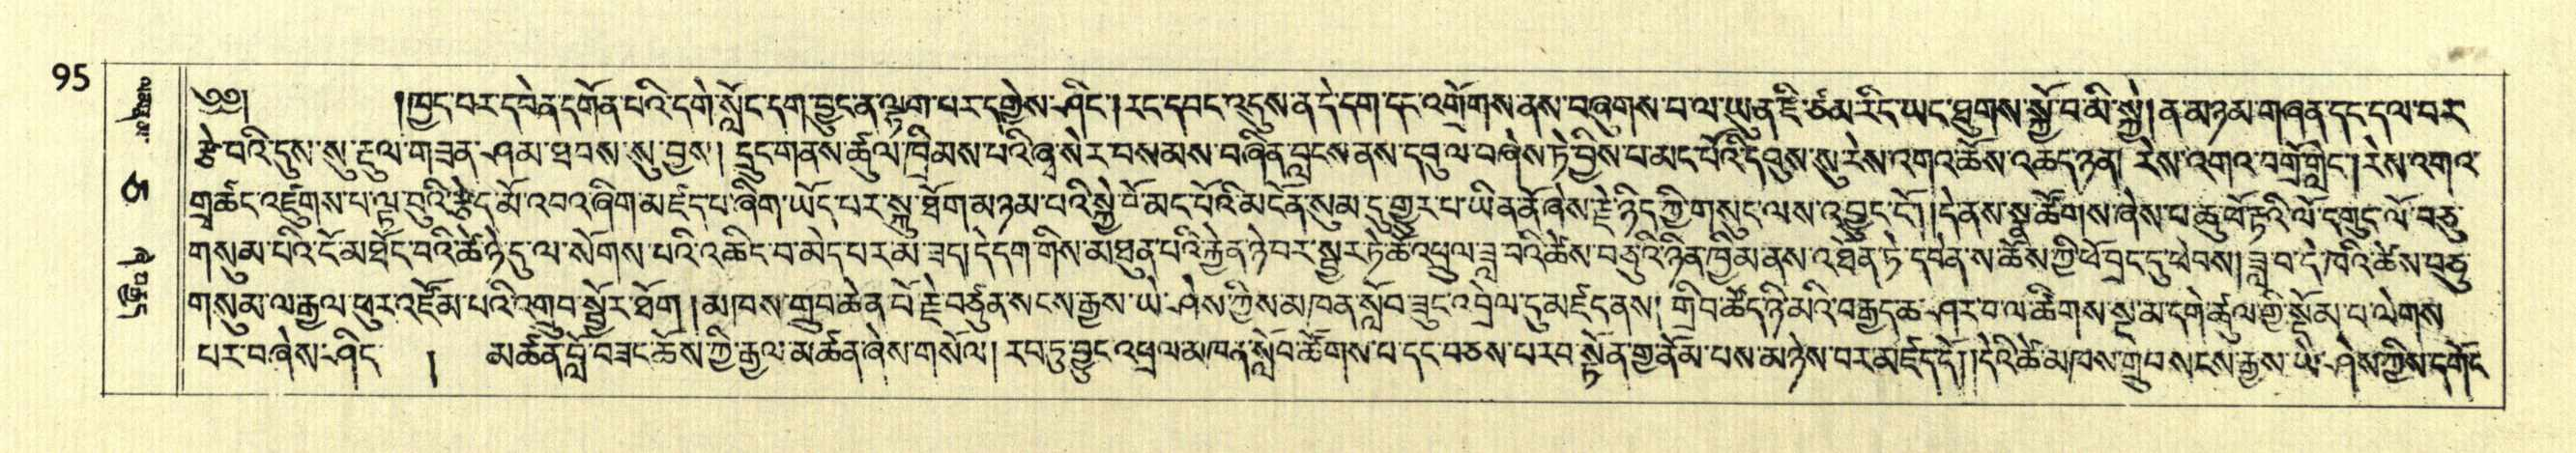༄༅། །ཁྱད་པར་དབེན་དགོན་པའི་དགེ་སློང་དག་བྱུང་ན་ལྷག་པར་དགྱེས་ཤིང་། རང་དབང་འདུས་ན་དེ་དག་དང་འགྲོགས་ནས་བཞུགས་པ་ལ་ཡུན་ཇི་ཙམ་རིང་ཡང་ཐུགས་སྐྱོ་བ་མི་སྐྱེ། ན་མཉམ་གཞན་དང་དལ་བར་
རྩེ་བའི་དུས་སུ་རྡུལ་གཟན་ཤམ་ཐབས་སུ་བྱས། དྲུང་གནས་ཚུལ་ཁྲིམས་པའི་ཞྭ་སེར་བསམས་བཞིན་བླངས་ནས་དབུ་ལ་བཞེས་ཏེ་བྱིས་པ་མང་པོའི་དབུས་སུ་རེས་འགའ་ཆོས་འཆད་ཉན། རེས་འགའ་འགྲོ་གླེང་། རེས་འགའ་
གྲྭ་ཚང་འཛུགས་པ་ལྟ་བུའི་རྩེད་མོ་འབའ་ཞིག་མཛད་པ་ཞིག་ཡོད་པར་སྐུ་ཐོག་མཉམ་པའི་སྐྱེ་བོ་མང་པོའི་མངོན་སུམ་དུ་གྱུར་པ་ཡིན་ནོ་ཞེས་རྗེ་ཉིད་ཀྱི་གསུང་ལས་འབྱུང་ངོ། དེ་ནས་སྣ་ཚོགས་ཞེས་པ་ཆུ་ཕོ་རྟའི་ལོ་དགུང་ལོ་བཅུ་
གསུམ་པའི་ངོ་མཐོང་བའི་ཚེ་ཉེ་དུ་ལ་སོགས་པའི་འཆིང་བ་མེད་པར་མ་ཟད། དེ་དག་གིས་མཐུན་པའི་རྐྱེན་ཉེ་བར་སྦྱར་ཏེ་ཆོ་འཕྲུལ་ཟླ་བའི་ཚེས་བཅུའི་ཉིན་ཁྱིམ་ནས་འཐོན་ཏེ་དབེན་ས་ཆོས་ཀྱི་ཕོ་བྲང་དུ་ཕེབས། ཟླ་བ་དེ་ཁའི་ཚེས་བཅུ་
གསུམ་ལ་རྒྱལ་ཕུར་འཛོམ་པའི་འགྲུབ་སྦྱོར་ཐོག། མཁས་གྲུབ་ཆེན་པོ་རྗེ་བཙུན་སངས་རྒྱས་ཡེ་ཤེས་ཀྱིས་མཁན་སློབ་ཟུང་འབྲེལ་དུ་མཛད་ནས། གྲིབ་ཚོད་ཉི་མའི་བརྒྱད་ཆ་ཤར་བ་ལ་ཚིགས་སྔ་མ་དགེ་ཚུལ་གྱི་སྡོམ་པ་ལེགས་
པར་བཞེས་ཤིང་། མཚན་བློ་བཟང་ཆོས་ཀྱི་རྒྱལ་མཚན་ཞེས་གསོལ། རབ་ཏུ་བྱུང་འཕྲལ་མཁན་སློབ་ཚོགས་བ་དང་བཅས་པ་རབ་སྟོན་གྱ་ནོམ་པས་མཉེས་པར་མཛད་དོ། །དེའི་ཚེ་མཁས་གྲུབ་སངས་རྒྱས་ཡེ་ཤེས་ཀྱིས་དགོང་